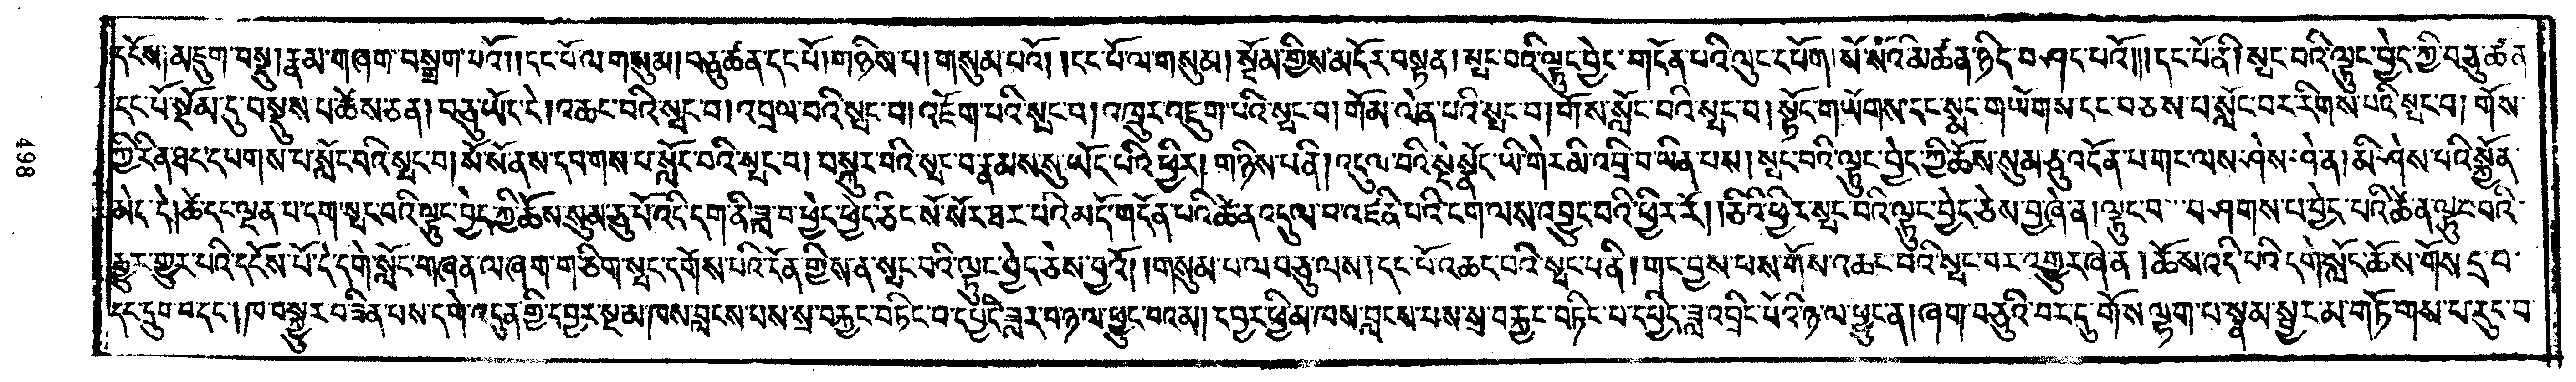དངོས༑ མཇུག་བསྡུ། རྣམ་གཞག་བསྒྲག་པའོ། །དང་པོ་ལ་གསུམ། བཅུ་ཚན་དང་པོ། གཉིས་པ། གསུམ་པའོ། །དང་པོ་ལ་གསུམ། སྔོམ་གྱིས་མདོར་བསྟན། སྤང་བའི་ལྟུང་བྱེད་གདོན་པའི་ལུང་དཔོག། སོ་སོའི་མཚན་ཉིད་བཤང་པའོ། །དང་པོ་ནི། སྤང་བའི་ལྟུང་བྱེད་ཀྱི་བཅུ་ཚན་
དང་པོ་སྔོམ་དུ་བསྡུས་པ་ཆོས་ཅན། བཅུ་ཡོད་ངེ། འཆང་བའི་སྤང་བ། འབྲལ་བའི་སྤང་བ། འཇོག་པའི་སྤང་བ། འཁྲུར་འཇུག་པའི་སྤང་བ། གོམ་ལེན་པའི་སྤང་བ། གོས་སློང་བའི་སྤང་བ། སྟོང་གཡོགས་དང་སྨད་གཡོགས་དང་བཅས་པ་སློང་བར་རིགས་པའི་སྤང་བ། གོས་
ཀྱི་རིན་ཐང་དཔགས་པ་སློང་བའི་སྤང་བ། སོ་སོ་ནས་དབགས་པ་སློང་བའི་སྤང་བ། བསྐུར་བའི་སྤང་བ་རྣམས་སུ་ཡོད་པའི་ཕྱིར། གཉིས་པ་ནི། འདུལ་བའི་སྡེ་སྣོད་ཡི་གེར་མི་འབྲི་བ་ཡིན་པས། སྤང་བའི་ལྟུང་བྱེད་ཀྱི་ཆོས་སུམ་ཅུ་འདོན་པ་གང་ལས་ཤེས་ཤེ་ན། མི་ཤེས་པའི་སྐྱོན་
མེད་དེ། ཚེ་དང་ལྡན་པ་དག་སྤང་བའི་ལྟུང་བྱེད་ཀྱི་ཆོས་སུམ་ཅུ་པོ་འདི་དག་ནི་ཟླ་བ་ཕྱེང་ཕྱེང་ཅིང་སོ་སོར་ཐར་པའི་མདོ་གདོན་པའི་ཚེན་འདུལ་བ་འཛིན་པའི་ངག་ལས་འབྱུང་བའི་ཕྱིར་རོ། །ཅིའི་ཕྱིར་སྤང་བའི་ལྟུང་བྱེད་ཅེས་བྱ་ཞེ་ན། ལྟུང་བ་བཤགས་པ་བྱེད་པའི་ཚེ་ན་ལྟུང་བའི་
རྒྱུར་གྱུར་པའི་དངོས་པོ་དེ་དགེ་སློང་གཞན་ལ་ཞག་གཅིག་སྤང་དགོས་པའི་དོན་གྱིས་ན་སྤང་བའི་ལྟུང་བྱེད་ཅེས་བྱའོ། །གསུམ་པ་ལ་བཅུ་ལས། དང་པོ་འཆང་བའི་སྤང་པ་ནི། གང་བྱས་པས་གོས་འཆང་བའི་སྤང་བར་འགྱུར་ཞེ་ན། ཆོས་འདི་པའི་དགེ་སློང་ཆོས་གོས་དྲ་བ་
དང་དྲུབ་བ་དང་། ཁ་བ་སྐྱུར་བ་ཟིན་པས་དགེ་འདུན་གྱི་དབྱར་སྔ་མ་ཁས་བླངས་པས་སྲ་བརྐྱང་བཏིང་བ་དཔྱིད་ཟླར་བ་ཉ་ལ་ཕྱུང་བའམ། དབྱར་ཕྱི་མ་ཁས་བླངས་པས་སྲ་བརྐྱང་བཏིང་པ་དཔྱིད་ཟླ་འབྲིང་པོའི་ཉ་ལ་ཕྱུང་ན། ཞག་བཅུའི་བར་དུ་གོས་ལྷག་པ་སྣམ་སྦྱར་མ་གཏོགས་པ་རུང་བ་